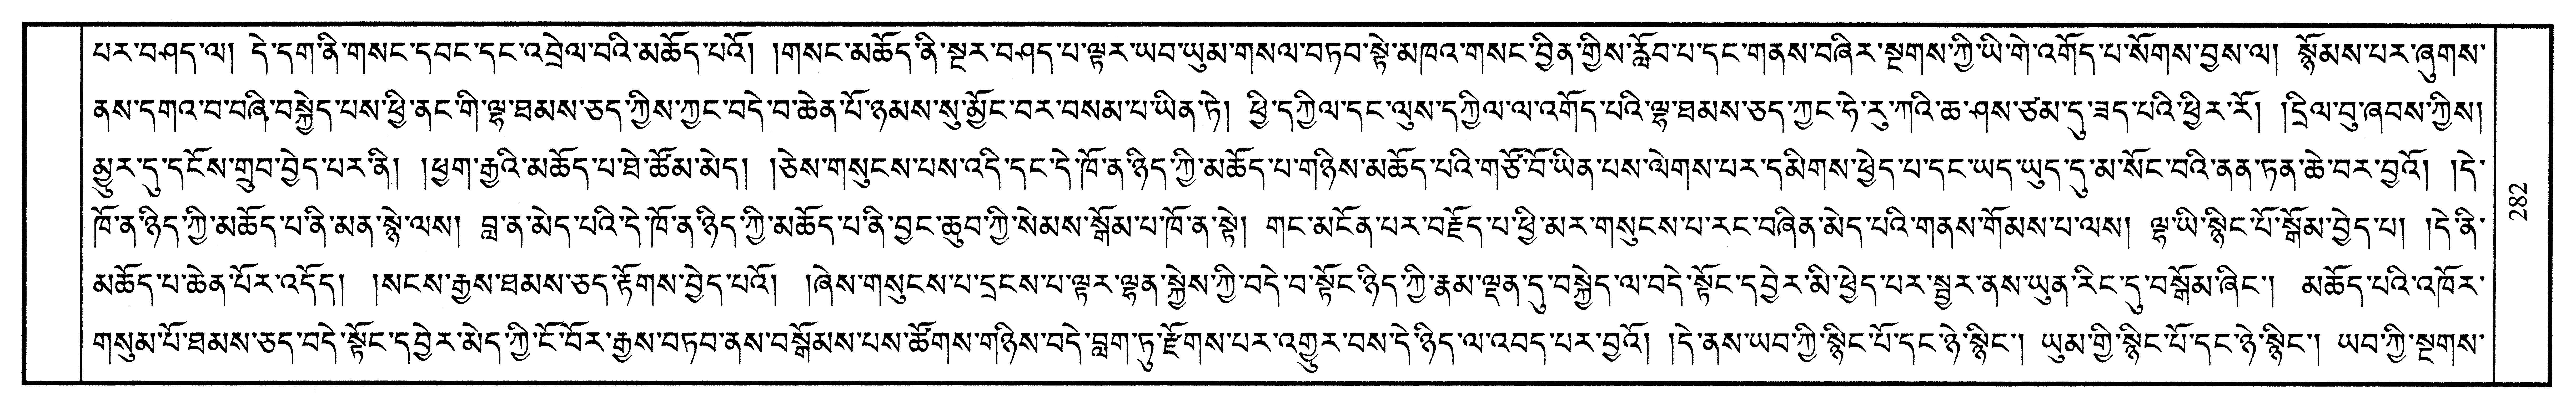པར་བཤད་ལ། དེ་དག་ནི་གསང་དབང་དང་འབྲེལ་བའི་མཆོད་པའོ། །གསང་མཆོད་ནི་སྔར་བཤད་པ་ལྟར་ཡབ་ཡུམ་གསལ་བཏབ་སྟེ་མཁའ་གསང་བྱིན་གྱིས་རློབ་པ་དང་གནས་བཞིར་སྔགས་ཀྱི་ཡི་གེ་འགོད་པ་སོགས་བྱས་ལ། སྙོམས་པར་ཞུགས་
ནས་དགའ་བ་བཞི་བསྐྱེད་པས་ཕྱི་ནང་གི་ལྷ་ཐམས་ཅད་ཀྱིས་ཀྱང་བདེ་བ་ཆེན་པོ་ཉམས་སུ་མྱོང་བར་བསམ་པ་ཡིན་ཏེ། ཕྱི་དཀྱིལ་དང་ལུས་དཀྱིལ་ལ་འགོད་པའི་ལྷ་ཐམས་ཅད་ཀྱང་ཧེ་རུ་ཀའི་ཆ་ཤས་ཙམ་དུ་ཟད་པའི་ཕྱིར་རོ། །དྲིལ་བུ་ཞབས་ཀྱིས།
མྱུར་དུ་དངོས་གྲུབ་བྱེད་པར་ནི། །ཕྱག་རྒྱའི་མཆོད་པ་ཐེ་ཚོམ་མེད། །ཅེས་གསུངས་པས་འདི་དང་དེ་ཁོ་ན་ཉིད་ཀྱི་མཆོད་པ་གཉིས་མཆོད་པའི་གཙོ་བོ་ཡིན་པས་ལེགས་པར་དམིགས་ཕྱེད་པ་དང་ཡད་ཡུད་དུ་མ་སོང་བའི་ནན་ཏན་ཆེ་བར་བྱའོ། །དེ་
ཁོ་ན་ཉིད་ཀྱི་མཆོད་པ་ནི་མན་སྙེ་ལས། བླ་ན་མེད་པའི་དེ་ཁོ་ན་ཉིད་ཀྱི་མཆོད་པ་ནི་བྱང་ཆུབ་ཀྱི་སེམས་སྒོམ་པ་ཁོ་ན་སྟེ། གང་མངོན་པར་བརྗོད་པ་ཕྱི་མར་གསུངས་པ་རང་བཞིན་མེད་པའི་གནས་གོམས་པ་ལས། ལྷ་ཡི་སྙིང་པོ་སྒོམ་བྱེད་པ། །དེ་ནི་
མཆོད་པ་ཆེན་པོར་འདོད། །སངས་རྒྱས་ཐམས་ཅད་རྟོགས་བྱེད་པའོ། །ཞེས་གསུངས་པ་དྲངས་པ་ལྟར་ལྷན་སྐྱེས་ཀྱི་བདེ་བ་སྟོང་ཉིད་ཀྱི་རྣམ་ལྡན་དུ་བསྐྱེད་ལ་བདེ་སྟོང་དབྱེར་མི་ཕྱེད་པར་སྦྱར་ནས་ཡུན་རིང་དུ་བསྒོམ་ཞིང་། མཆོད་པའི་འཁོར་
གསུམ་པོ་ཐམས་ཅད་བདེ་སྟོང་དབྱེར་མེད་ཀྱི་ངོ་བོར་རྒྱས་བཏབ་ནས་བསྒོམས་པས་ཚོགས་གཉིས་བདེ་བླག་ཏུ་རྫོགས་པར་འགྱུར་བས་དེ་ཉིད་ལ་འབད་པར་བྱའོ། །དེ་ནས་ཡབ་ཀྱི་སྙིང་པོ་དང་ཉེ་སྙིང་། ཡུམ་གྱི་སྙིང་པོ་དང་ཉེ་སྙིང་། ཡབ་ཀྱི་སྔགས་